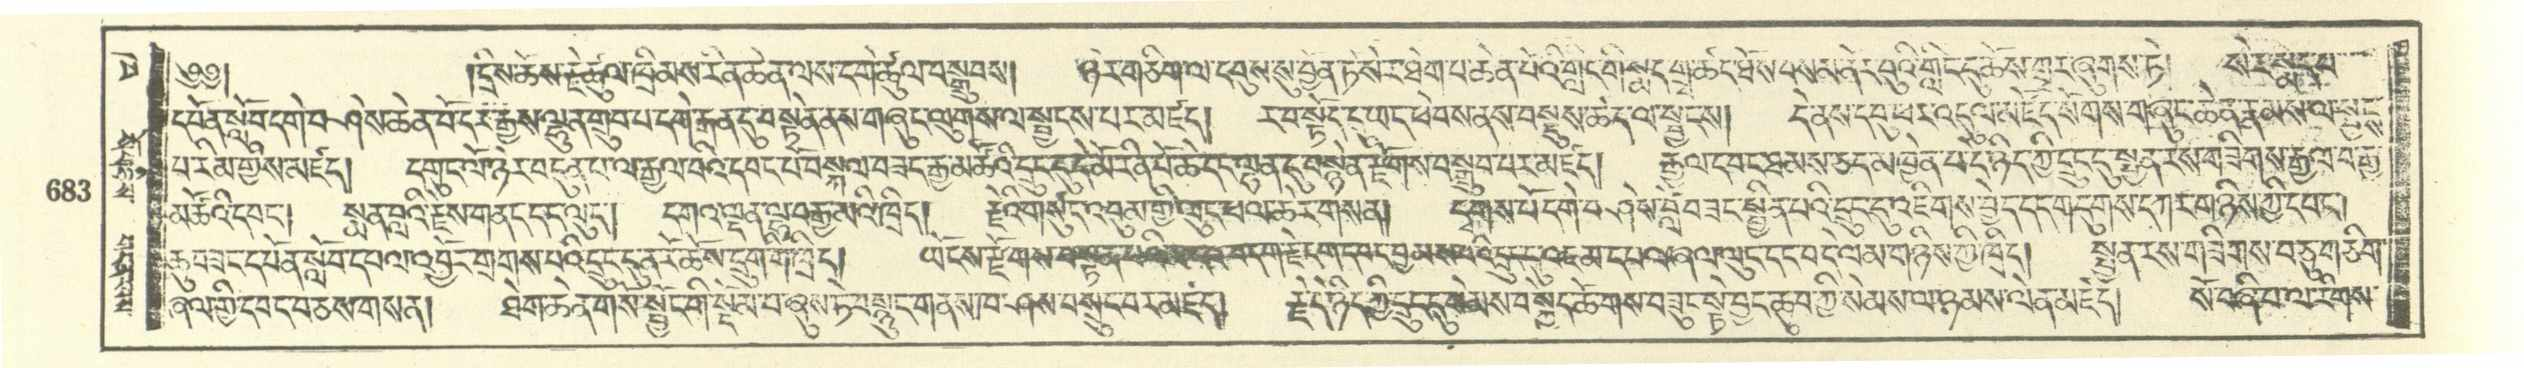༄༅། །དྲིས་ཆོས་རྗེ་ཚུལ་ཁྲིམས་རིན་ཆེན་ལས་དགེ་ཚུལ་བསྒྲུབས། ཉེར་གཅིག་ལ་དབུས་སུ་བྱོན་ཏེ་སེར་ཐེག་པ་ཆེན་པོའི་གླིང་གི་སྨད་གྲྭ་ཚང་ཐོས་བསམ་ནོར་བུའི་གླིང་དུ་ཆོས་གྲྭར་ཞུགས་ཏེ། སེ་ར་སྨད་པ་
དཔོན་སློབ་དགེ་བཤེས་ཆེན་པོ་དར་རྒྱས་ལྷུན་གྲུབ་པ་དགེ་རྒན་དུ་བསྟེན་ནས་གཞུང་ལུགས་ལ་སྦྱངས་པར་མཛད། ར་བ་སྟོད་དུ་ཡང་ཕེབས་ནས་བསྡུས་ཚད་ལ་སྦྱངས། དེ་ནས་དབུ་ཕར་འདུལ་མཛོད་སོགས་གཞུང་ཆེན་རྣམས་ལ་སྦྱངས་
པ་རིམ་གྱིས་མཛད། དགུང་ལོ་ཉེར་བདུན་པ་ལ་རྒྱལ་བའི་དབང་པོ་བསྐལ་བཟང་རྒྱ་མཚོའི་དྲུང་དུ་དེ་མོ་རིན་པོ་ཆེ་དང་ལྷན་དུ་བསྙེན་རྫོགས་བསྒྲུབ་པར་མཛད། རྒྱལ་དབང་ཐམས་ཅད་མཁྱེན་པ་དེ་ཉིད་ཀྱི་དྲུང་དུ་སྤྱན་རས་གཟིགས་རྒྱལ་བ་རྒྱ་
མཚོའི་དབང་། སྨན་བླའི་རྗེས་གནད་དང་ལུང་། དགའ་ལྡན་ལྷ་བརྒྱ་མའི་ཁྲིད། རྗེའི་གསུང་འབུམ་གྱི་ལུང་ཕལ་ཆེར་གསན། དྭགས་པོ་དགེ་བཤེས་བློ་བཟང་སྦྱིན་པའི་དྲུང་དུ་འཇིགས་བྱེད་དད་གདུགས་དཀར་གཉིས་ཀྱི་དབང་།
ཆུ་བཟང་དཔོན་སློབ་དཔལ་འབྱོར་གྲགས་པའི་དྲུང་དུ་ན་རོ་ཆོས་དྲུག་གི་ཁྲིད། ཡོངས་རྫོགས་བསྟན་པའི་མངའ་བདག་རྗེ་ངག་དབང་བྱམས་པའི་དྲུང་དུ་འཇམ་དཔལ་ཞལ་ལུང་དང་བདེ་ལམ་གཉིས་ཀྱི་ཁྲིད། སྤྱན་རས་གཟིགས་བཅུ་གཅིག་
ཞལ་གྱི་དབང་བཅས་གསན། ཐེག་ཆེན་གསོ་སྦྱོང་གི་སྔོམ་པ་ཞུས་ཏེ་བསྙུང་གནས་ཁ་ཤས་བསྲུང་བར་མཛད། རྗེ་དེ་ཉིད་ཀྱི་དྲུང་དུ་སེམས་བསྐྱེད་ཆོགས་བཟུང་སྟེ་བྱང་ཆུབ་ཀྱི་སེམས་ལ་ཉམས་ལེན་མཛད། སོ་བཞི་པ་ལ་རིགས་